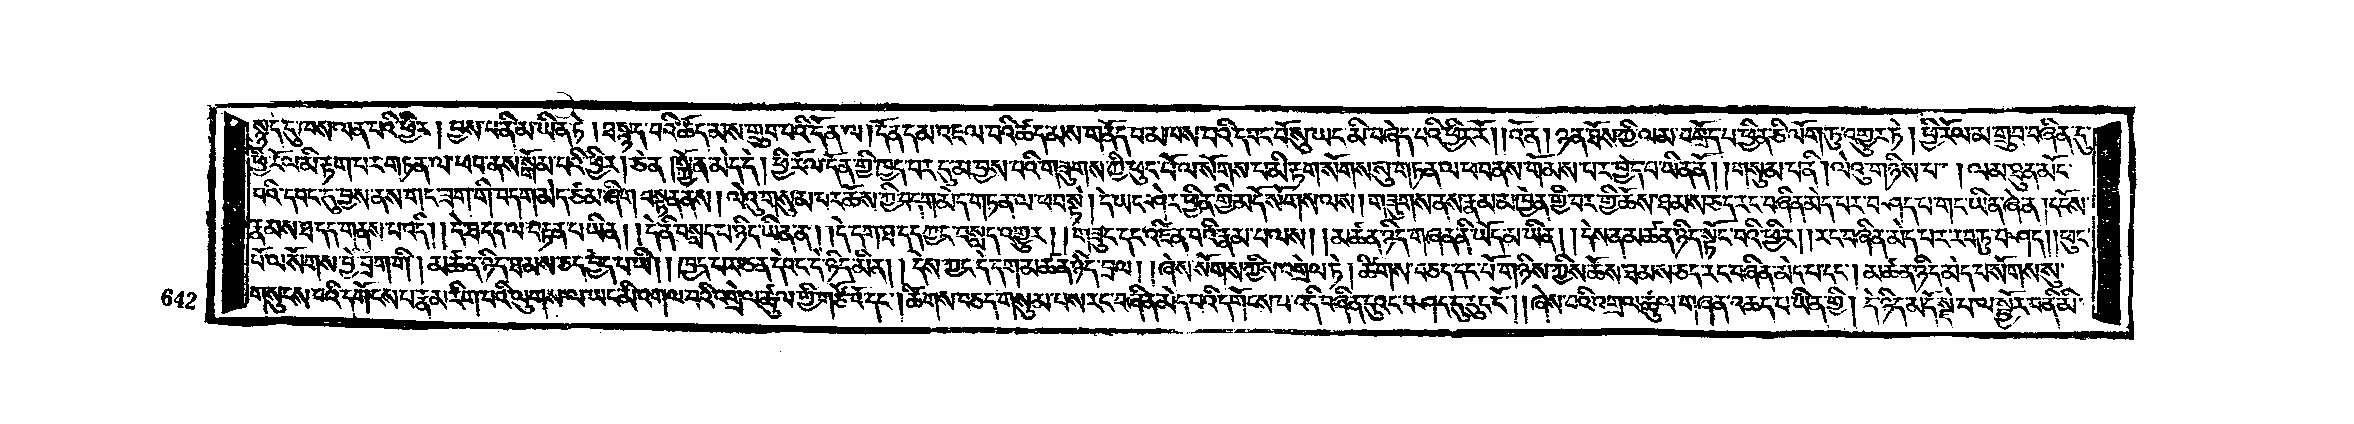སྙད་དུ་ཁས་ལན་པའི་ཕྱིར། བྱས་པ་ནི་མ་ཡིན་ཏེ། ཐ་སྙད་པའི་ཚད་མས་གྲུབ་པའི་དོན་ལ། དོན་དམ་འཇལ་བའི་ཚད་མས་གནོད་པ་མཁས་པའི་དབང་པོ་སུ་ཡང་མི་བཞེད་པའི་ཕྱིར། །འོ་ན། ཉན་ཐོས་ཀྱི་ལམ་བགྲོད་པ་ཕྱི་ཅི་ལོག་ཏུ་འགྱུར་ཏེ། ཕྱི་རོལ་མ་གྲུབ་བཞིན་དུ་
ཕྱི་རོལ་མི་རྟག་པར་གཏན་ལ་ཕབ་ནས་སྒོམ་པའི་ཕྱིར། ཅེ་ན། སྐྱོན་མེད་དེ། ཕྱི་རོལ་དོན་གྱི་ཁྱད་པར་དུ་མ་བྱས་པའི་གཟུགས་ཀྱི་ཕུན་པོ་ལ་སོགས་པ་མི་རྟག་སོགས་སུ་གཏན་ལ་ཕབ་ནས་གོམས་པར་བྱེད་པ་ཡིན་ནོ། །གསུམ་པ་ནི། ལེའུ་གཉིས་པ། ལམ་ཐུན་མོང་
བའི་དབང་དུ་བྱས་ནས་གང་ཟག་གི་བདག་མེད་ཙམ་ཞིག་བསྟན་ནས། ལེའུ་གསུམ་པར་ཆོས་ཀྱི་བདག་མེད་གཏན་ལ་ཕབ་སྟེ། དེ་ཡང་ཤེར་ཕྱིན་གྱི་མདོ་སོགས་ལས། གཟུགས་ནས་རྣམ་མཁྱེན་གྱི་བར་གྱི་ཆོས་ཐམས་ཅད་རང་བཞིན་མེ་དཔར་བཤད་པ་གང་ཡིན་ཞེ་ན། དངོས་
རྣམས་ཐ་དད་གནས་པ་འདི། །དེ་ཐ་དད་ལ་བརྟན་པ་ཡིན། །དེ་ནི་བསླད་པ་ཉིད་ཡིན་ན། །དེ་དག་ཐ་དད་ཀྱང་བསླད་འགྱུར། །གཟུང་དང་འཛིན་པའི་རྣམ་པ་ལས། །མཚན་ཉིད་གཞན་ནི་ཡོད་མ་ཡིན། །དེས་ན་མཚན་ཉིད་སྟོང་པའི་ཕྱིར། །རང་བཞིན་མེད་པ་རབ་ཏུ་བཤད། །ཕུང་
པོ་ལ་སོགས་པ་བྱེ་གྲག་གི། མཚན་ཉིད་ཐམས་ཅད་བྱེད་པ་ཡི། །ཁྱད་པར་ཅན་དེའང་དེ་ཉིད་མིན། དེས་ཀྱང་དེ་དག་མཚན་ཉིད་བྲལ། །ཞེས་སོགས་ཀྱིས་འགྲེལ་ཏེ། ཚིགས་བཅད་དང་པོ་གཉིས་ཀྱིས་ཆོས་ཐམས་ཅད་རང་བཞིན་མེད་པ་དང་། མཚན་ཉིད་མེད་པ་སོགས་སུ་
གསུངས་པའི་དགོངས་པ་རྣམ་རིག་པའི་ལུགས་ལ་ཡང་མི་འགལ་བའི་འགྲེལ་ཚུལ་གྱི་གཙོ་བོ་དང་། ཚིགས་བཅད་གསུམ་པས་རང་བཞིན་མེ་དཔའི་དགོངས་པ་འདི་བཞིན་དུའང་བཤད་དུ་རུང་ངོ། །ཞེས་པའི་འགྲེལ་ཚུལ་གཞན་འཆད་པ་ཡིན་གྱི། དེ་ཉིད་མདོ་སྡེ་པ་ལ་སྦྱོར་བ་ནི་མི་